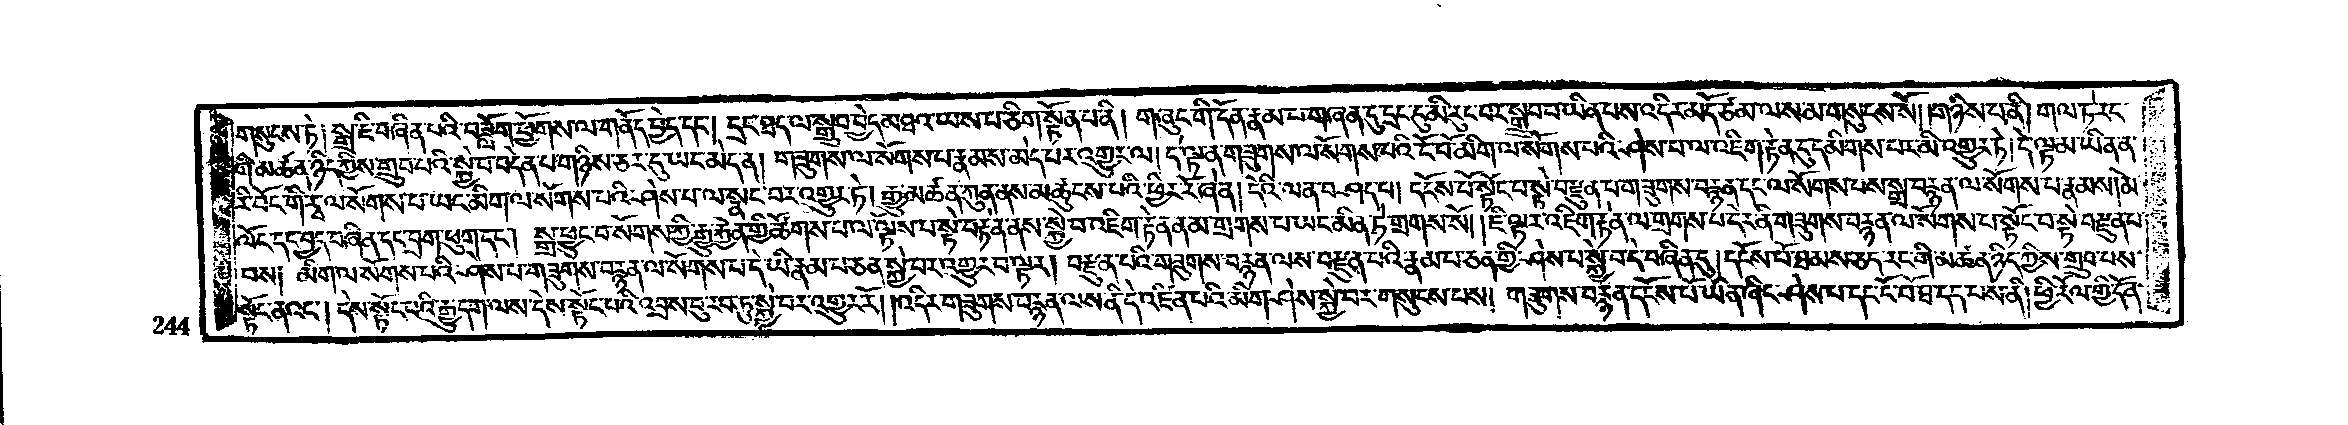གསུངས་ཏེ། སྒྲ་ཇི་བཞིན་པའི་བཟློག་ཕྱོགས་ལ་གནོད་བྱེད་དང་། དྲང་ཐད་ལ་སྒྲུབ་བྱེད་མཐའ་ཡས་པ་ཞིག་སྟོན་པ་ནི། གཞུང་གི་དོན་རྣམ་པ་གཞན་དུ་དྲང་དུ་མི་རུང་བར་སྒྲུབ་པ་ཡིན་པས་འདིར་མདོ་ཙམ་ལས་མ་གསུངས་སོ། །གཉིས་པ་ནི། གལ་ཏེ་རང་
གི་མཚན་ཉིད་ཀྱིས་གྲུབ་པའི་སྐྱེ་བ་བདེན་པ་གཉིས་ཅར་དུ་ཡང་མེད་ན། གཟུགས་ལ་སོགས་པ་རྣམས་མེད་པར་འགྱུར་ལ། དེ་ལྟ་ན་གཟུགས་ལ་སོགས་པའི་ངོ་བོ་མིག་ལ་སོགས་པའི་ཤེས་པ་ལ་འཇིག་རྟེན་དུ་དམིགས་པར་མི་འགྱུར་ཏེ། དེ་ལྟ་མ་ཡིན་ན་
རི་བོང་གི་རྭ་ལ་སོགས་པ་ཡང་མིག་ལ་སོགས་པའི་ཤེས་པ་ལ་སྣང་བར་འགྱུར་ཏེ། རྒྱུ་མཚན་ཀུན་ནས་མཚུངས་པའི་ཕྱིར་རོ་ཞེ་ན། དེའི་ལན་བཤད་པ། དངོས་པོ་སྟོང་པ་སྟེ་བརྫུན་པ་གཟུགས་བརྙན་དང་ལ་སོགས་པས་སྒྲ་བརྙན་ལ་སོགས་པ་རྣམས། མེ་
ལོང་དང་བྱད་བཞིན་དང་བྲག་ཕུག་དང་། སྒྲ་ཕྱུང་བ་སོགས་ཀྱི་རྒྱུ་རྐྱེན་གྱི་ཚོགས་པ་ལ་ལྟོས་པ་སྟེ་བརྟེན་ནས་སྐྱེ་བ་འཇིག་རྟེན་ན་མ་གྲགས་པ་ཡང་མིན་ཏེ་གྲགས་སོ། །ཇི་ལྟར་འཇིག་རྟེན་ལ་གྲགས་པ་དེར་ནི་གཟུགས་བརྙན་ལ་སོགས་པ་སྟོང་བ་སྟེ་བརྫུན་པ་
བས། མིག་ལ་སོགས་པའི་ཤེས་པ་གཟུགས་བརྙན་ལ་སོགས་པ་དེ་ཡི་རྣམ་པ་ཅན་སྐྱེ་བར་འགྱུར་བ་ལྟར། བརྫུན་པའི་གཟུགས་བརྙན་ལས་བརྫུན་པའི་རྣམ་པ་ཅན་གྱི་ཤེས་པ་སྐྱེ་བ་དེ་བཞིན་དུ། དངོས་པོ་ཐམས་ཅད་རང་གི་མཚན་ཉིད་ཀྱིས་གྲུབ་པས་
སྟོང་ནའང་། དེས་སྟོང་པའི་རྒྱུ་དག་ལས་དེས་སྟོང་པའི་འབྲས་བུ་རབ་ཏུ་སྐྱེ་བར་འགྱུར་རོ། །འདིར་གཟུགས་བརྙན་ལས་ནི་དེ་འཛིན་པའི་མིག་ཤེས་སྐྱེ་བར་གསུངས་པས། གཟུགས་བརྙན་དངོས་པོ་ཡིན་ཞིང་ཤེས་པ་དང་ངོ་བོ་ཐ་དད་པས་ནི། ཕྱི་རོལ་གྱི་དོན་